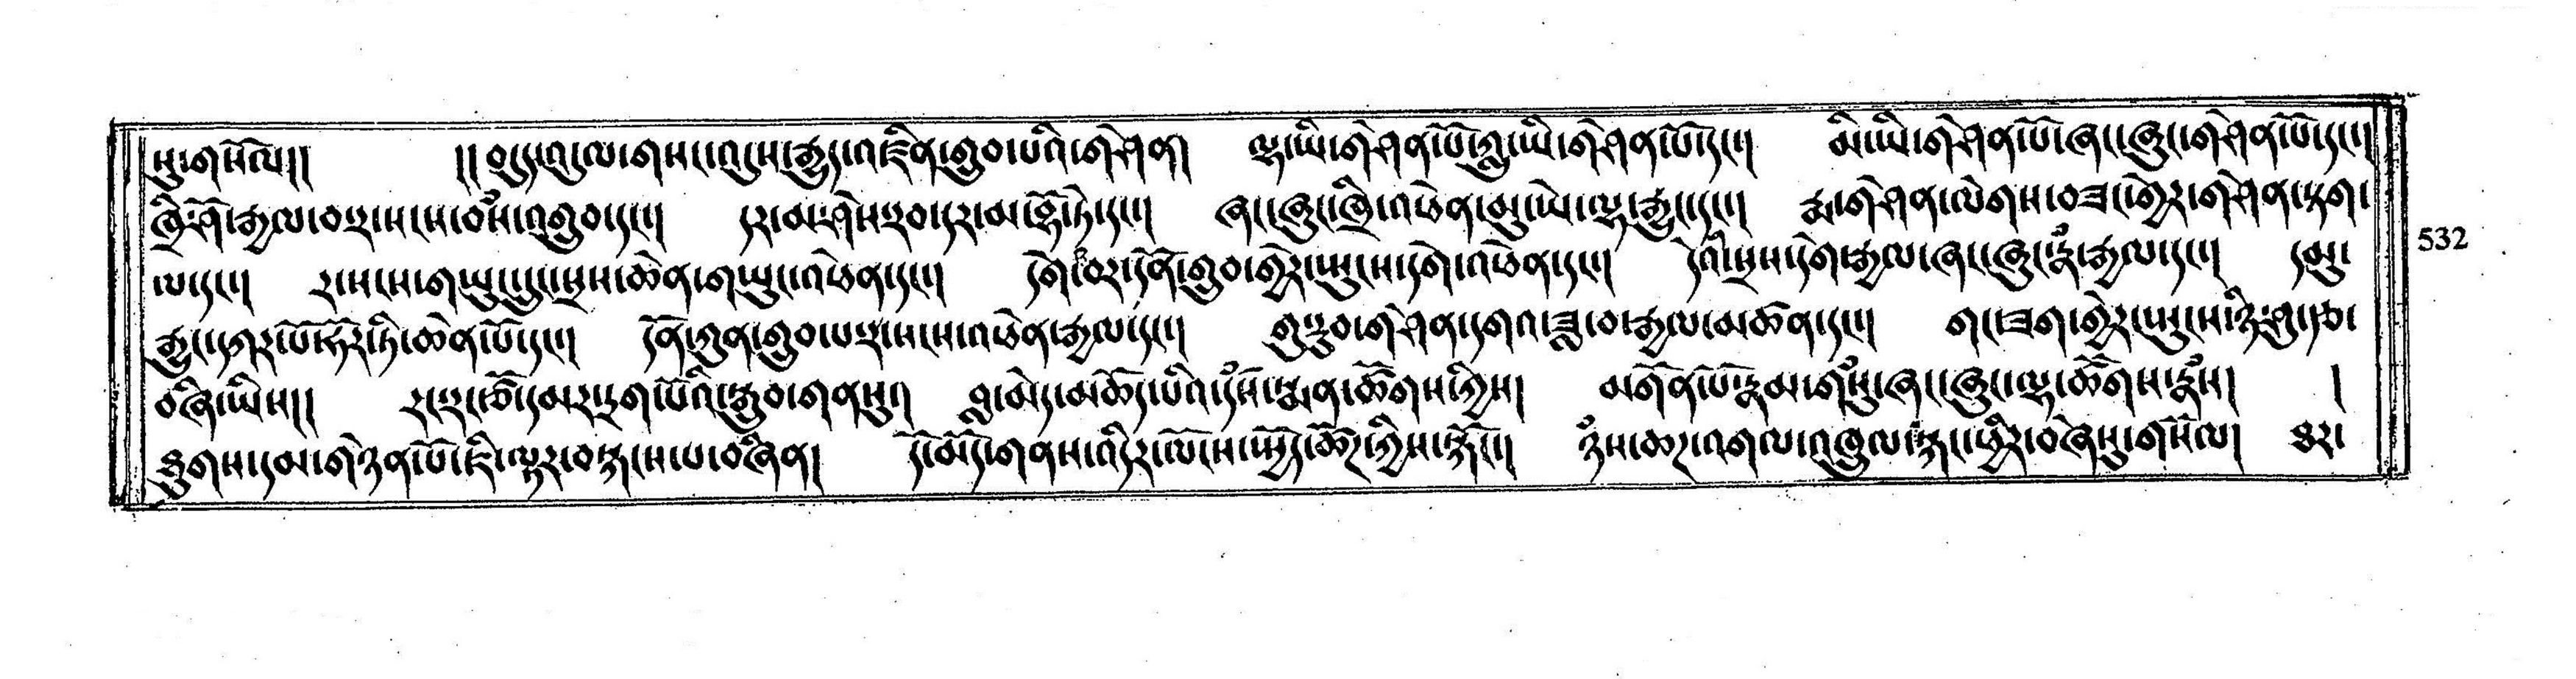སུ་གསོལ།། །།བདུད་འདུལ་གསང་འདུས་རྒྱུད་འཛིན་གྲུབ་པའི་གཤེན། ལྷ་ཡི་གཤེན་པོ་ཀླུ་ཡི་གཤེན་པོ་དང་། མི་ཡི་གཤེན་པོ་ཞང་ཞུང་གཤེན་པོ་དང་། 
ཁྲི་ཤོ་རྒྱལ་བ་ར་སངས་བསམ་འགྲུབ་དང་། དར་མ་ཤེས་རབ་དར་མ་བྷོ་ཏེ་དང་། ཞང་ཞུང་ཁྲི་འཕེན་མུ་ཡེ་ལྷ་རྒྱུང་དང་། རྨ་གཤེན་ལེགས་བཟང་གྱེར་གཤེན་སྟག་
ལ་དང་། ར་སངས་གཡུང་དྲུང་སྲས་ཆེན་གཡུང་འཕེན་དང་། དགེ་འབར་དོན་གྲུབ་གྱེར་སྤུངས་དགེ་འཕེན་དང་། དེའི་སྲས་དགེ་རྒྱལ་ཞང་ཞུང་རྣམ་རྒྱལ་དང་། མུ་
རྒྱུང་དཀར་པོ་ཧོར་ཏི་ཆེན་པོ་དང་། དོན་ཀུན་གྲུབ་པ་ར་སངས་འཕེན་རྒྱལ་དང་། གུ་རུབ་གཤེན་དགའ་ཟླ་བ་རྒྱལ་མཚན་དང་། གང་ཟག་གྱེར་སྤུངས་ཉི་ཤུ་རྩ་
བཞི་ཡིས།། རང་རང་ཙོ་དམར་དྲག་པོའི་སྒྲུབ་གནས་སུ། བླ་མེད་མཆོད་པའི་དམ་རྫས་སྨན་ཚོགས་ཀྱིས། མགོན་པོ་རྣམ་གསུམ་ཞང་ཞུང་ལྷ་ཚོགས་རྣམས། 
ཐུགས་དམ་གཉེན་པོ་ཇི་ལྟར་བསྐངས་པ་བཞིན། དོ་མོད་གནས་འདིར་ལོངས་སྤྱོད་ཚོགས་ཀྱིས་སྐོང་། ཉམས་ཆགས་འགལ་འཁྲུལ་བསྐང་ཕྱིར་བཞེས་སུ་གསོལ། ཐར་